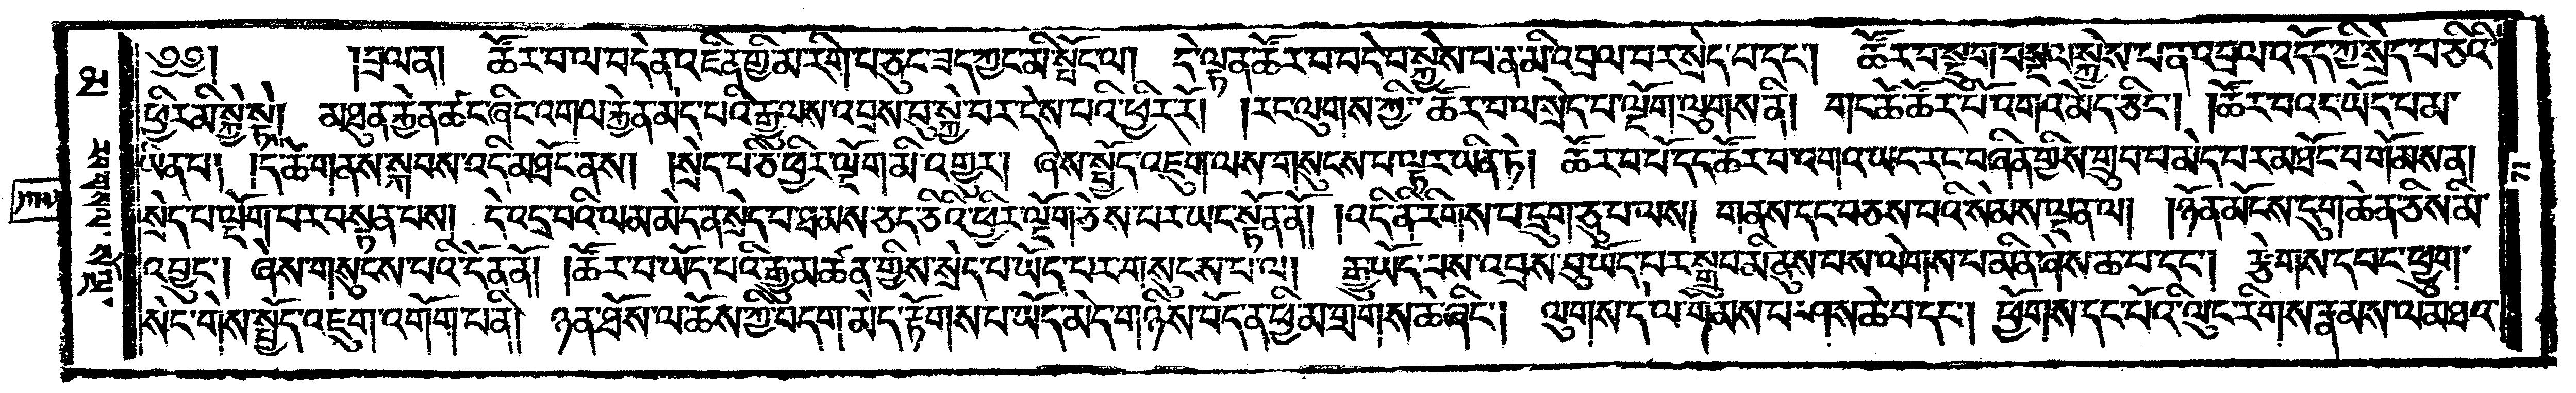༄༅། །བྲལ་ན། ཚོར་བ་ལ་བདེན་འཛིན་གྱི་མ་རིག་པ་ཅུང་ཟད་ཀྱང་མི་སྤོང་ལ། དེ་ལྟ་ན་ཚོར་བ་བདེ་བ་སྐྱེས་པ་ན་མི་འབྲལ་བར་སྲེད་པ་དང་། ཚོར་བ་སྡུག་བསྔལ་སྐྱེས་པ་ན་འབྲལ་འདོད་ཀྱི་སྲེད་པ་ཅིའི་
ཕྱིར་མི་སྐྱེ་སྟེ། མཐུན་རྐྱེན་ཚང་ཞིང་འགལ་རྐྱེན་མེད་པའི་རྒྱུ་ལས་འབྲས་བུ་སྐྱེ་བར་ངེས་པའི་ཕྱིར་རོ། །རང་ལུགས་ཀྱི་ཚོར་བ་ལ་སྲེད་པ་ལྡོག་ལུགས་ནི། གང་ཚེ་ཚོར་པོ་འགའ་མེད་ཅིང་། །ཚོར་བའང་ཡོད་པ་མ་
ཡིན་པ། །དེ་ཚེ་གནས་སྐབས་འདི་མཐོང་ནས། །སྲེད་པ་ཅི་ཕྱིར་ལྡོག་མི་འགྱུར། ཞེས་སྤྱོད་འཇུག་ལས་གསུངས་པ་ལྟར་ཡིན་ཏེ། ཚོར་བ་པོ་དང་ཚོར་བ་འགའ་ཡང་རང་བཞིན་གྱིས་གྲུབ་པ་མེད་པར་མཐོང་བ་གོམས་ན།
སྲེད་པ་ལྡོག་པར་བསྟན་པས། དེ་འདྲ་བའི་ལམ་མེད་ན་སྲེད་པ་ཐམས་ཅད་ཅིའི་ཕྱིར་ལྡོག་ཅེས་པར་ཡང་སྟོན་ནོ། །འདི་ནི་རིགས་པ་དྲུག་ཅུ་པ་ལས། གནས་དང་བཅས་པའི་སེམས་ལྡན་ལ། །ཉོན་མོངས་དུག་ཆེན་ཅིས་མི་
འབྱུང་། །ཞེས་གསུངས་པའི་དོན་ནོ། །ཚོར་བ་ཡོད་པའི་རྒྱུ་མཚན་གྱིས་སྲེད་པ་ཡོད་པར་གསུངས་པ་ལ། རྒྱུ་ཡོད་པས་འབྲས་བུ་ཡོད་པར་སྒྲུབ་མི་ནུས་པས་ལེགས་པ་མིན་ཞེས་ཆ་པ་དང་། རྩེགས་དབང་ཕྱུག་
སེང་གེས་སྤྱོད་འཇུག་འགོག་པ་ནི། ཉན་ཐོས་ལ་ཆོས་ཀྱི་བདག་མེད་རྟོགས་པ་ཡོད་མེད་གཉིས་བོད་ན་ཕྱི་མ་གྲགས་ཆེ་ཞིང་། ལུགས་དེ་ལ་གོམས་པ་ཤས་ཆེ་བ་དང་། ཕྱོགས་དང་པོའི་ལུང་རིགས་རྣམས་ལ་མཐའ་